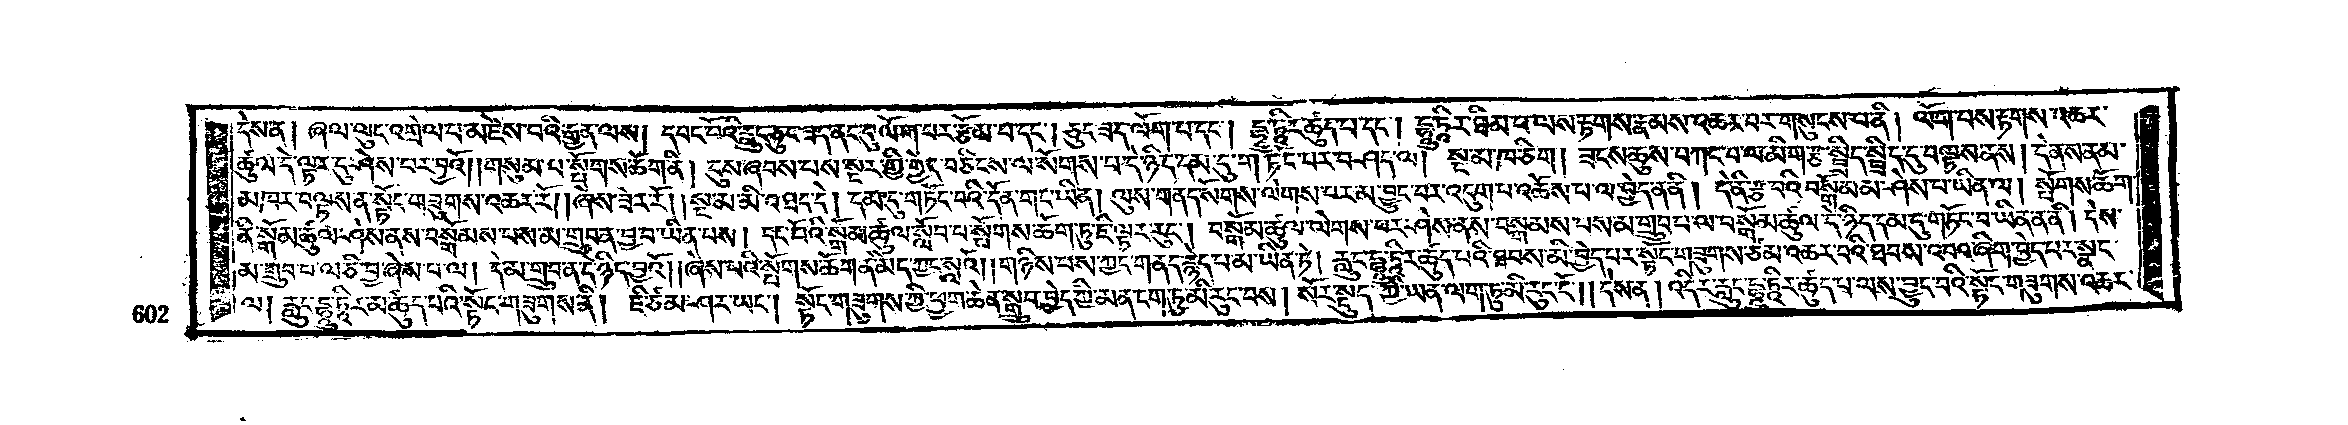དེས་ན། ཞལ་ལུང་འགྲེལ་པ་མཛེས་པའི་རྒྱན་ལས། དབང་པོའི་རླུང་ཅུང་ཟད་ནང་དུ་ལོག་པར་རྩོམ་པ་དང་། ཅུང་ཟད་ལོག་པ་དང་། དྷཱུ་ཏཱིར་ཚུད་པ་དང་། དྷཱུ་ཏཱིར་ཐིམ་པ་ལས་རྟགས་རྣམས་འཆར་བར་གསུངས་པ་ནི། ལོག་པས་རྟགས་འཆར་
ཚུལ་དེ་ལྟར་དུ་ཤེས་པར་བྱའོ། །གསུམ་པ་སྤགས་ཆོག་ནི། དུས་ཞབས་པས་སྔར་གྱི་བྱེད་བཅིངས་ལ་སོགས་པ་དེ་ཉིད་དམ་དུ་གཏོང་པར་བཤད་ལ། སྔ་མ་ཁ་ཅིག །ཟངས་ཆུས་བཀང་བ་ལ་མིག་རྩ་སྦྲིད་སྦྲིད་དུ་བལྟས་ནས། དེ་ནས་ནམ་
མཁར་བལྟས་ན་སྟོང་གཟུགས་འཆར་རོ། །ཞེས་ཟེར་རོ། །སྔ་མ་མི་འཐད་དེ། དམ་དུ་གཏོང་བའི་དོན་གང་ཡིན། ལུས་གནད་སོགས་ལེགས་པར་མ་བྱུང་བར་འདུག་པ་འཆོས་པ་ལ་བྱེད་ན་ནི། དེ་ནི་རྩ་བའི་བསྒོམ་མ་ཤེས་པ་ཡིན་ལ། སྤོགས་ཆོག་
ནི་སྒོམ་ཚུལ་ཤེས་ནས་བསྒོམས་པས་མ་གྲུབ་ན་བྱ་བ་ཡིན་པས། དང་པོའི་སྒོམ་ཚུལ་སློབ་པ་སྤོགས་ཆོག་ཏུ་ཇི་ལྟར་རུང་། བསྒོམ་ཚུལ་ལེགས་པར་ཤེས་ནས་བསྒམས་པས་མ་གྲུབ་པ་ལ་བསྒོམ་ཚུལ་དེ་ཉིད་དམ་དུ་གཏོང་བ་ཡིན་ན་ནི། དེས་
མ་གྲུབ་པ་ལ་ཅི་བྱ་ཞེས་པ་ལ། དེ་མ་གྲུབ་ན་དེ་ཉིད་བྱའོ། །ཞེས་པའི་སྤོགས་ཆོག་ནི་མེད་ཀྱང་སླའོ། །གཉིས་པས་ཀྱང་གནད་རྙེད་པ་མ་ཡིན་ཏེ། རླུང་དྷཱུ་ཏཱིར་ཚུད་པའི་ཐབས་མི་བྱེད་པར་སྟོང་གཟུགས་ཙམ་འཆར་བའི་ཐབས་འབའ་ཞིག་བྱེད་པར་སྣང་
ལ། རླུང་དྷཱུ་ཏཱིར་མཚུད་པའི་སྟོང་གཟུགས་ནི། ཇི་ཙམ་ཤར་ཡང་། སྟོང་གཟུགས་ཀྱི་ཕྱག་ཆེན་སྒྲུབ་བྱེད་ཀྱི་མན་ངག་ཏུ་མི་རུང་བས། སོར་སྡུད་ཀྱི་ཡན་ལག་ཏུ་མི་རུང་ངོ། །དེ་ན། འདིར་རླུང་དྷཱུ་ཏཱིར་ཚུད་པ་ལས་བྱུང་བའི་སྟོང་གཟུགས་འཆར་